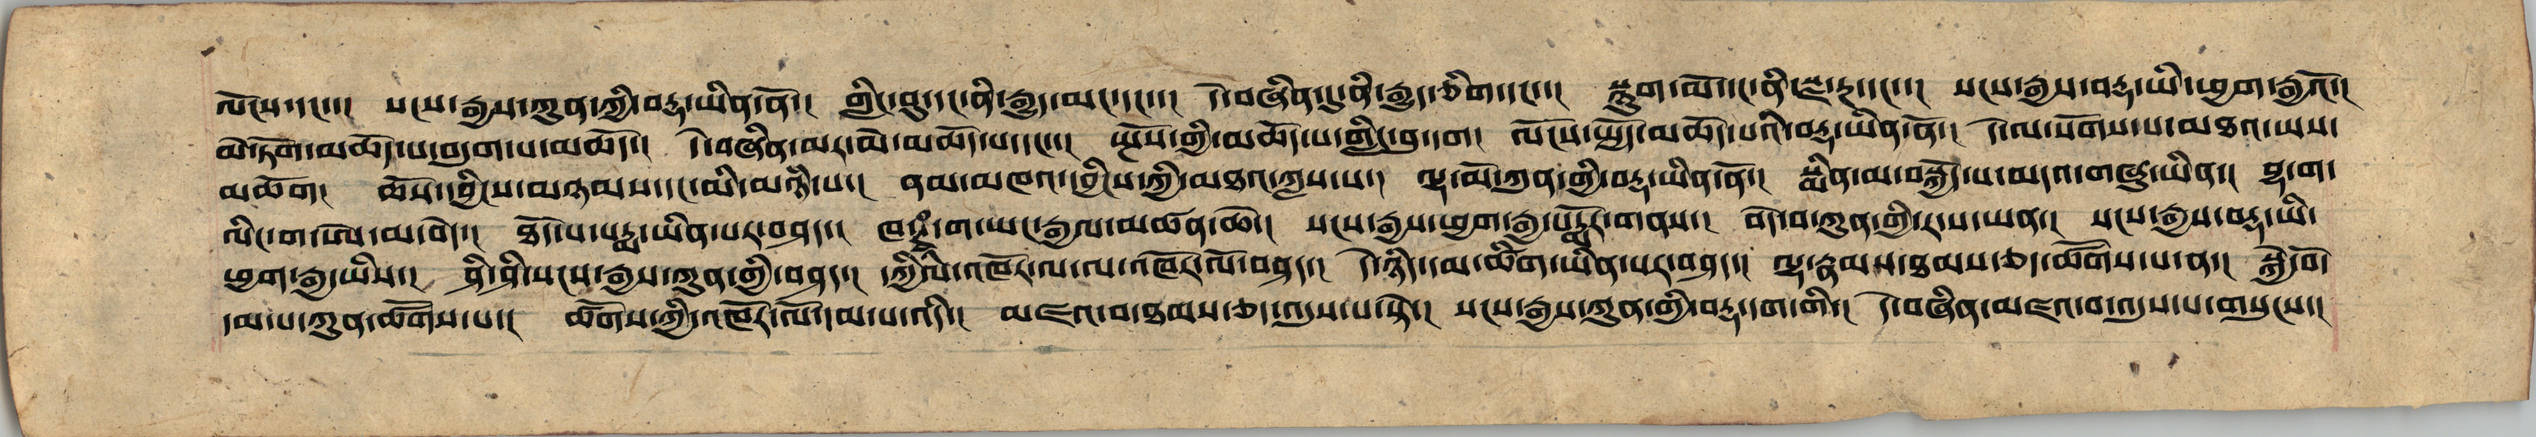ལོངས་དང་་། སངས་རྒྱས་ཀུན་ཀྱི་བརྡ་ཡིན་ནོ་། གླིང་བུ་དང་ནི་རྒྱུད་མང་དང་་། དེ་བཞིན་དུ་ནི་རྒྱུད་ཅིག་དང་་། སྙུག་མོ་དང་ནི་སྫ་རྔ་དང་་། སངས་རྒྱས་བརྡ་ཡི་ཕྱག་རྒྱའོ་།
མེ་ཏོག་མཆོད་པ་བདུག་པ་མཆོད་། དེ་བཞིན་མར་མེ་མཆོད་པ་དང་་། སྤོས་གྱི་མཆོད་པ་གླིང་བུ་དག། ལོངས་སྤྱོད་མཆོད་པའི་བརྡ་ཡིན་ནོ་། དེ་ལ་སོགས་པ་མཐའ་ཡས་
མཆོག། ཆོས་དབྱིངས་མཉམས་དང་མི་མཉཾ་པ་། ནམ་མཁའ་དབྱིངས་ཀྱི་མཐའ་ཀླས་པ་། ལྷ་མོ་ཀུན་གྱི་བརྡ་ཡིན་ནོ་། སྨིན་མ་བསྐྱེད་པ་མདའ་གཞུ་ཡིན་། བྷ་ག་
ལིང་ག་ཨེ་མ་བདེ་། ཐོད་པ་པདྨ་ཡིན་པར་བཤད་། ཁ་ཊྭཾ་ག་ཡང་རྒྱལ་མཚན་ཆེ་། སངས་རྒྱས་ཕྱག་རྒྱ་པདྨོར་གནས་། བདེ་བ་ཀུན་གྱི་ར་ས་ཡན་། སངས་རྒྱས་བརྡ་ཡི་
ཕྱག་རྒྱ་ཡིས་། ཤི་ཤི་སངས་རྒྱས་ཀུན་གྱི་བཤད་། དཀྱིལ་འཁོར་ལ་ལ་འཁོར་ལོ་བཤད་། དེ་ཉིད་དམ་ཚིག་ཡིན་པར་བཤད་། ལྷ་རྣམས་ཐམས་ཅད་ཚོགས་པ་ན་། སྐྱེ་བོ་
དམ་པ་ཀུན་ཚོགས་པ་། ཚོགས་ཀྱི་འཁོར་ལོ་དམ་པ་འདི་།། མཛའ་བ་ཐམས་ཅད་འདུས་པ་སྟེ་། སངས་རྒྱས་ཀུན་གྱི་བརྡ་དག་གི་། དེ་བཞིན་མཛའ་བ་འདུས་པ་གསུངས་།